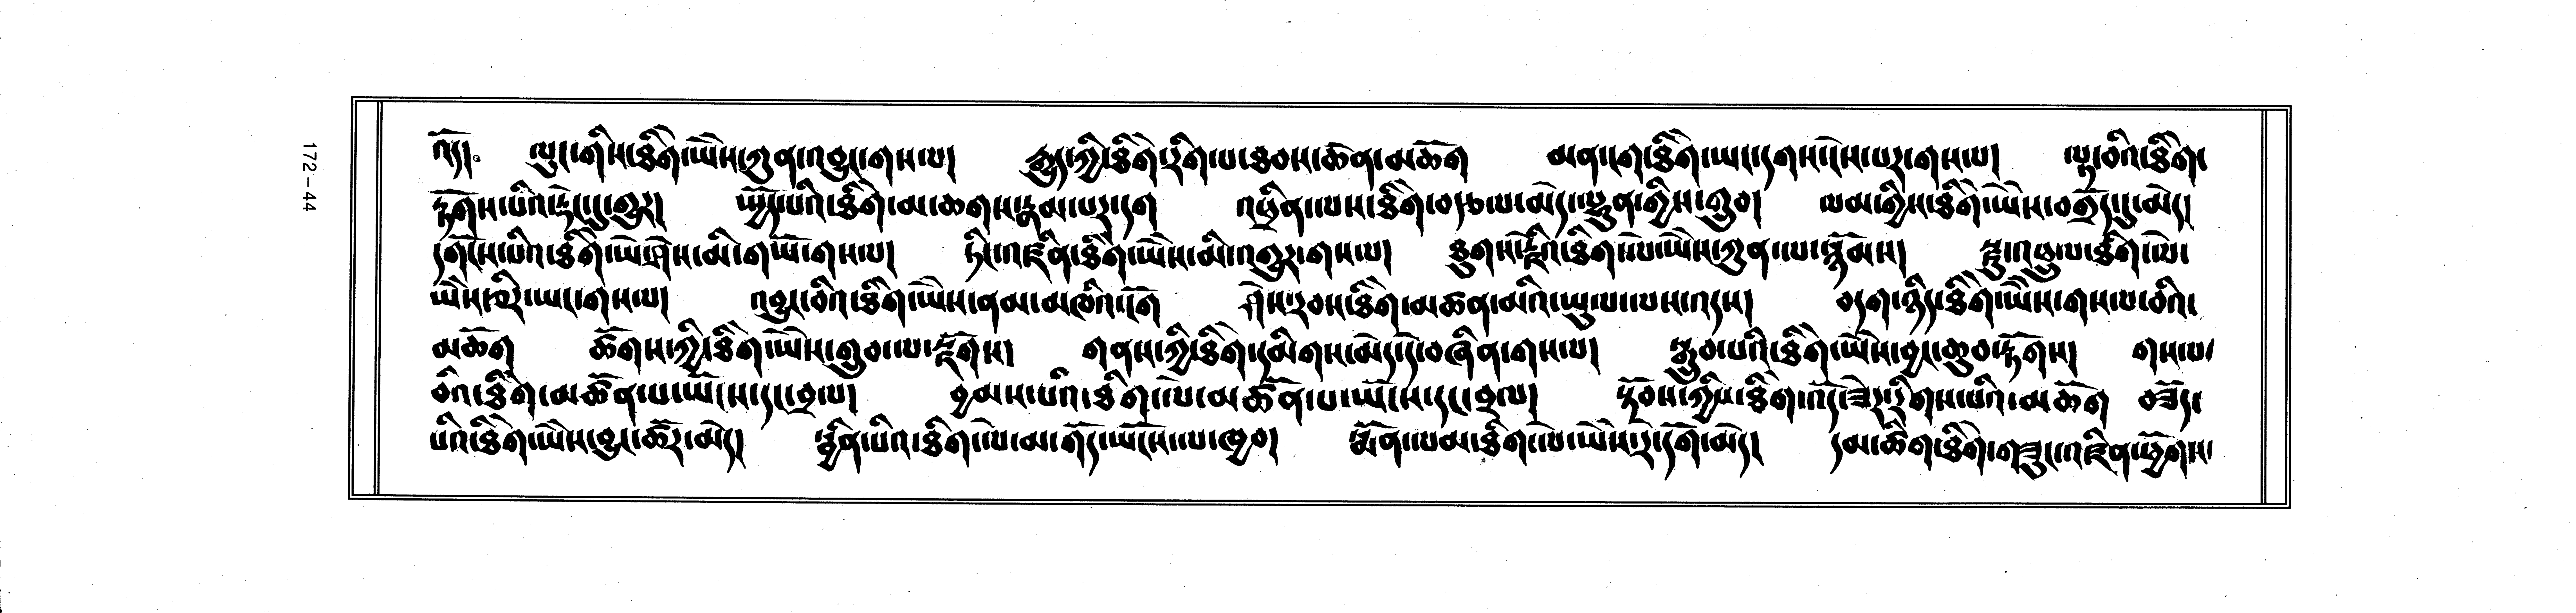འོད། ལུང་གིས་ཐིག་ལེ་ཡེ་ཤེས་ཀུན་འབྱུང་གསལ། རྒྱུད་ཀྱི་ཐིག་ལེ་རིག་པ་ཐབས་ཆེན་མཆོག མན་ངག་ཐིག་ལེ་ཡང་དག་ངེས་པར་གསལ། ལྟ་བའི་ཐིག་
ལེ་རྟོགས་པའི་རྡེང་དུ་གྱུར། སྤྱོད་པའི་ཐིག་ལེ་མ་ཆགས་རྣམ་པར་དག འཕྲིན་ལས་ཐིག་ལེ་བརྩལ་མེད་ལྷུན་གྱིས་གྲུབ། ལམ་གྱི་ཐིག་ལེ་ཡེ་ཤེས་བགྲོད་དུ་མེད། 
དགོངས་པའི་ཐིག་ལེ་ཡེ་ཤེས་མི་གཡོ་གསལ། ཏིང་འཛིན་ཐིག་ལེ་ཡེ་ཤེས་མི་འགྱུར་གསལ། ཐུགས་རྗེའི་ཐིག་ལེ་ཡེ་ཤེས་ཀུན་ལ་སྙོམས། རྫུ་འཕྲུལ་ཐིག་ལེ་
ཡེ་ཤེས་ཅིར་ཡང་གསལ། འབྱུང་བའི་ཐིག་ལེ་ཡེ་ཤེས་ནམ་མཁའི་ངོགས། ཤེས་རབ་ཐིག་ལེ་མཚན་མའི་ཡུལ་ལས་འདས། བདག་ཉིད་ཐིག་ལེ་ཡེ་ཤེས་གསལ་བའི་
མཆོག ཚོགས་ཀྱི་ཐིག་ལེ་ཡེ་ཤེས་གྲུབ་ལ་རྫོགས། གནས་ཀྱི་ཐིག་ལེ་དམིགས་མེད་དེ་བཞིན་གསལ། སྒྲུབ་པའི་ཐིག་ལེ་ཡེ་ཤེས་བྱང་ཆུབ་རྟོགས། གསལ་
བའི་ཐིག་ལེ་མཚོན་པ་ཡོངས་དང་བྲལ། བྱམས་པའི་ཐིག་ལེ་མཚོན་པ་ཡོངས་དང་་བྲལ། སྟོབས་ཀྱིས་ཐིག་ལེ་འོད་ཟེར་རིགས་པའི་མཆོག བཟོད་
པའི་ཐིག་ལེ་ཡེ་ཤེས་བྱུང་ཚོར་མེད། སྦྱིན་པའི་ཐིག་ལེ་མ་གོད་ཡོངས་ལ་ཁྱབ། སྨོན་ལམ་ཐིག་ལེ་ཡེ་ཤེས་རེ་དོགས་མེད། དམ་ཚིག་ཐིག་ལེ་གཟུང་འཛིན་ཕྱོགས་